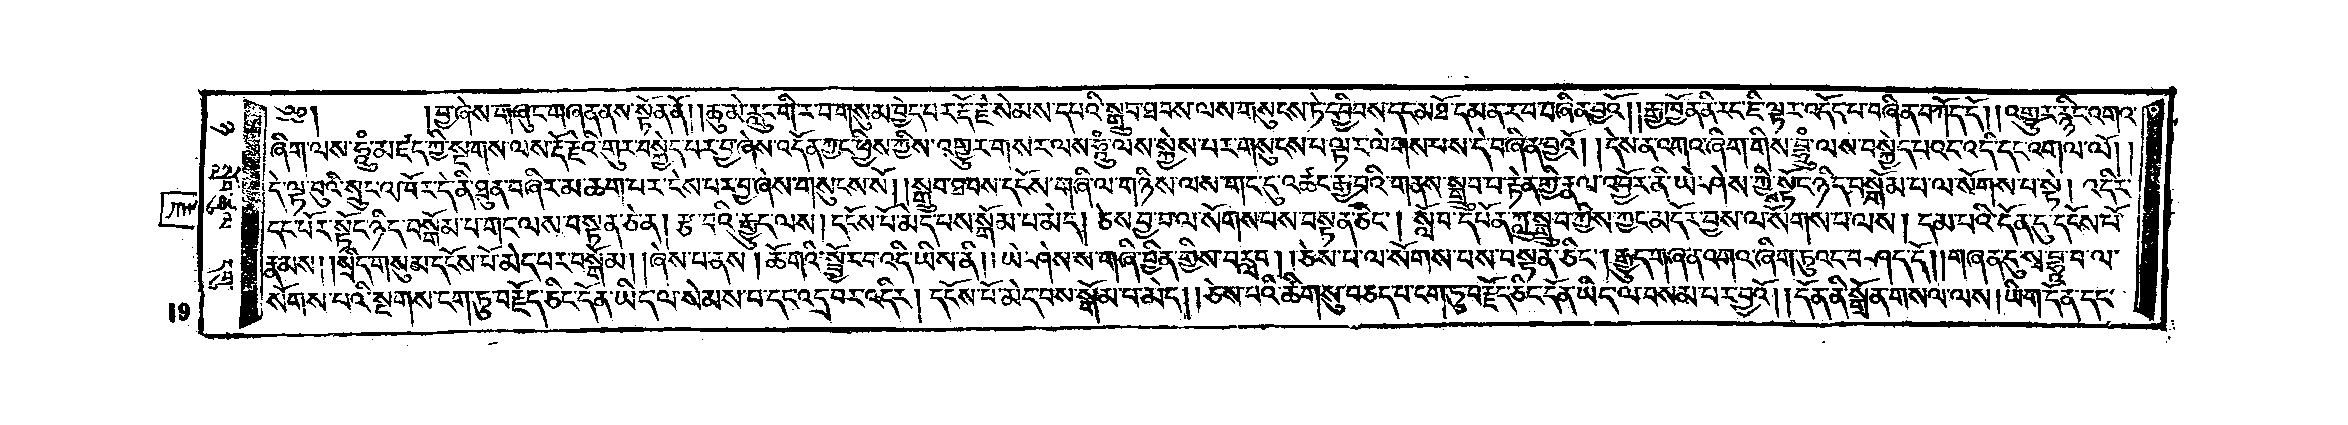༄༅། །བྱ་ཞེས་གཞུང་གཞན་ནས་སྟོན་ནོ། །ཆུ་མེ་རླུང་གི་ར་བ་གསུམ་བྱེད་པར་རྡོ་རྗེ་སེམས་དཔའི་སྒྲུབ་ཐབས་ལས་གསུངས་ཏེ་དབྱིབས་དང་མཐོ་དམན་ར་བ་བཞིན་བྱའོ། །རྒྱ་ཁྱོན་ནི་རང་ཇི་ལྟར་འདོད་པ་བཞིན་བཀོད་དོ། །འགྱུར་རྙིང་འགའ་
ཞིག་ལས་ཧཱུཾ་མཛད་ཀྱི་སྔགས་ལས་རྡོ་རྗེའི་གུར་བསྐྱེད་པར་བྱ་ཞེས་འདོན་ཀྱང་ཕྱིས་ཀྱིས་འགྱུར་གསར་ལས་ཧཱུཾ་ལས་སྐྱེས་པར་གསུངས་པ་ལྟར་ལེགས་པས་དེ་བཞིན་བྱའོ། །དེས་ན་འགའ་ཞིག་གིས་བྷྲུཾ་ལས་བསྐྱེད་པའང་འདི་དང་འགལ་ལོ། །
དེ་ལྟ་བུའི་སྲུང་འཁོར་དེ་ནི་ཐུན་བཞིར་མ་ཆག་པར་ངེས་པར་བྱ་ཞེས་གསུངས་སོ། །སྒྲུབ་ཐབས་དངོས་གཞི་ལ་གཉིས་ལས་གང་དུ་འཚང་རྒྱ་བའི་གནས་སྒྲུབ་པ་རྟེན་གྱི་རྣལ་འབྱོར་ནི་ཡེ་ཤེས་ཀྱིས་སྟོང་ཉིད་བསྒོམ་པ་ལ་སོགས་པ་སྟེ། འདིར་
དང་པོར་སྟོང་ཉིད་བསྒོམ་པ་གང་ལས་བསྟན་ཅེ་ན། རྩ་བའི་རྒྱུད་ལས། དངོས་པོ་མེད་པས་སྒོམ་པ་མེད། ཅེས་བྱ་བ་ལ་སོགས་པས་བསྟན་ཅིང་། སློབ་དཔོན་ཀླུ་སྒྲུབ་ཀྱིས་ཀྱང་མདོར་བྱས་ལ་སོགས་པ་ལས། དམ་པའི་དོན་དུ་དངོས་པོ་
རྣམས། །སྲིད་གསུམ་དངོས་པོ་མེད་པར་བསྒོམ། །ཞེས་པ་ནས། ཆོ་གའི་སྦྱོར་བ་འདི་ཡིས་ནི། །ཡེ་ཤེས་ས་གཞི་བྱིན་གྱིས་བརླབ། །ཅེས་པ་ལ་སོགས་པས་བསྟན་ཅིང་། རྒྱུད་གཞན་འགའ་ཞིག་ཏུའང་བཤད་དོ། །གཞན་དུ་སྭ་བྷཱ་བ་ལ་
སོགས་པའི་སྔགས་ངག་ཏུ་བརྗོད་ཅིང་དོན་ཡིད་ལ་སེམས་པ་དང་འདྲ་བར་འདིར། དངོས་པོ་མེད་པས་སྒོམ་པ་མེད། །ཅེས་པའི་ཚིགས་སུ་བཅད་པ་ངག་ཏུ་བརྗོད་ཅིང་དོན་ཡིད་ལ་བསམ་པར་བྱའོ། །དོན་ནི་སྒྲོན་གསལ་ལས། ཡིག་དོན་དང་